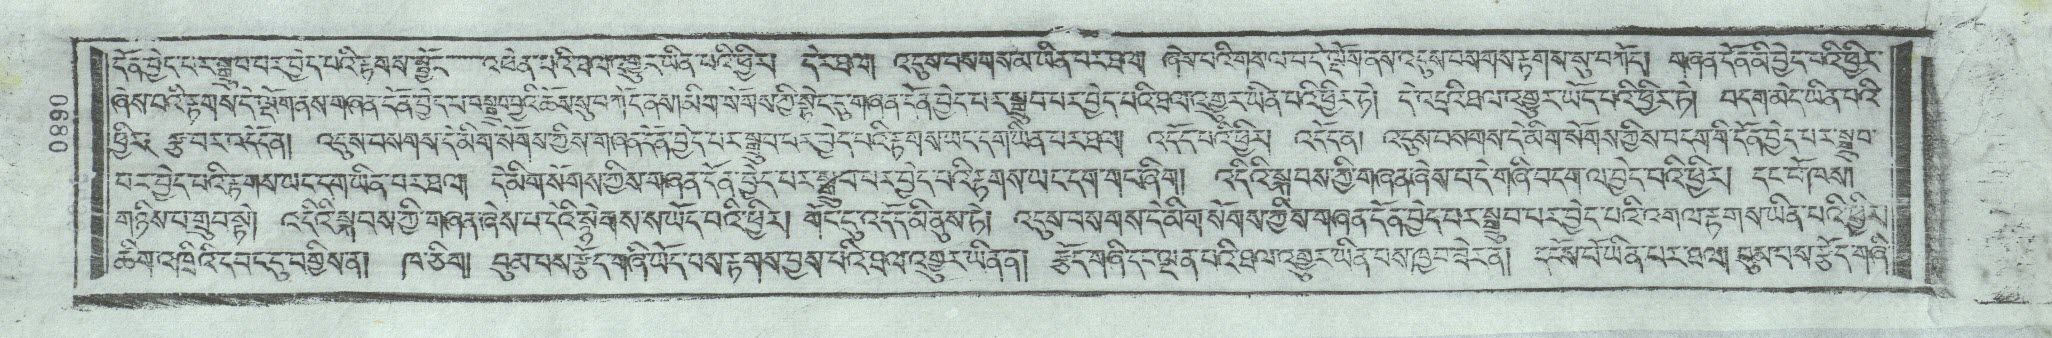དོན་བྱེད་པར་སྒྲུབ་པར་བྱེད་པའི་རྟགས་སྦྱོར་འཕེན་པའི་ཐལ་འགྱུར་ཡིན་པའི་ཕྱིར། དེར་ཐལ། འདུས་བསགས་མ་ཡིན་པར་ཐལ། ཞེས་པའི་གསལ་བ་དེ་ལྡོག་ནས་འདུས་བསགས་རྟགས་སུ་བཀོད། གཞན་དོན་མི་བྱེད་པའི་ཕྱིར་
ཞེས་པའི་རྟགས་དེ་ལྡོག་ནས་གཞན་དོན་བྱེད་པ་བསྒྲུབ་བྱའི་ཆོས་སུ་བཀོད་ནས། མིག་སོགས་ཀྱི་སྟེང་དུ་གཞན་དོན་བྱེད་པར་སྒྲུབ་པར་བྱེད་པའི་ཐལ་འགྱུར་ཡིན་པའི་ཕྱིར་ཏེ། དེ་འདྲའི་ཐལ་འགྱུར་ཡོད་པའི་ཕྱིར་ཏེ། བདག་མེད་ཡིན་པའི་
ཕྱིར༑ རྩ་བར་འདོད་ན། འདུས་བསགས་དེ་མིག་སོགས་ཀྱིས་གཞན་དོན་བྱེད་པར་སྒྲུབ་པར་བྱེད་པའི་རྟགས་ཡང་དག་ཡིན་པར་ཐལ། འདོད་པའི་ཕྱིར། འདོད་ན། འདུས་བསགས་དེ་མིག་སོགས་ཀྱིས་བདག་གི་དོན་བྱེད་པར་སྒྲུབ་
བར་བྱེད་པའི་རྟགས་ཡང་དག་ཡིན་པར་ཐལ། དེ་མིག་སོགས་ཀྱིས་གཞན་དོན་བྱེད་པར་སྒྲུབ་པར་བྱེད་པའི་རྟགས་ཡང་དག་གང་ཞིག། འདིའི་སྐབས་ཀྱི་གཞན་ཞེས་པ་དེ་གཞི་བདག་ལ་བྱེད་པའི་ཕྱིར། དང་པོ་ཁས།
གཉིས་པ་གྲུབ་སྟེ། འདིའི་སྐབས་ཀྱི་གཞན་ཞེས་པ་དེའི་སྙེགས་ས་ཡོད་པའི་ཕྱིར། གོང་དུ་འདོད་མི་ནུས་ཏེ། འདུས་བསགས་དེ་མིག་སོགས་ཀྱིས་གཞན་དོན་བྱེད་པར་སྒྲུབ་པར་བྱེད་པའི་འགལ་རྟགས་ཡིན་པའི་ཕྱིར།
ཚིག་འཁྲིའི་དབང་དུ་བགྱིས་ན། ཁ་ཅིག། བུམ་པས་རྩོད་གཞི་ཡོད་པས་རྟགས་བྱས་པའི་ཐལ་འགྱུར་ཡིན་ན། རྩོད་གཞི་དང་ལྡན་པའི་ཐལ་འགྱུར་ཡིན་པས་ཁྱབ་ཟེར་ན། དངོས་པོ་ཡིན་པར་ཐལ། བུམ་པས་རྩོད་གཞི་